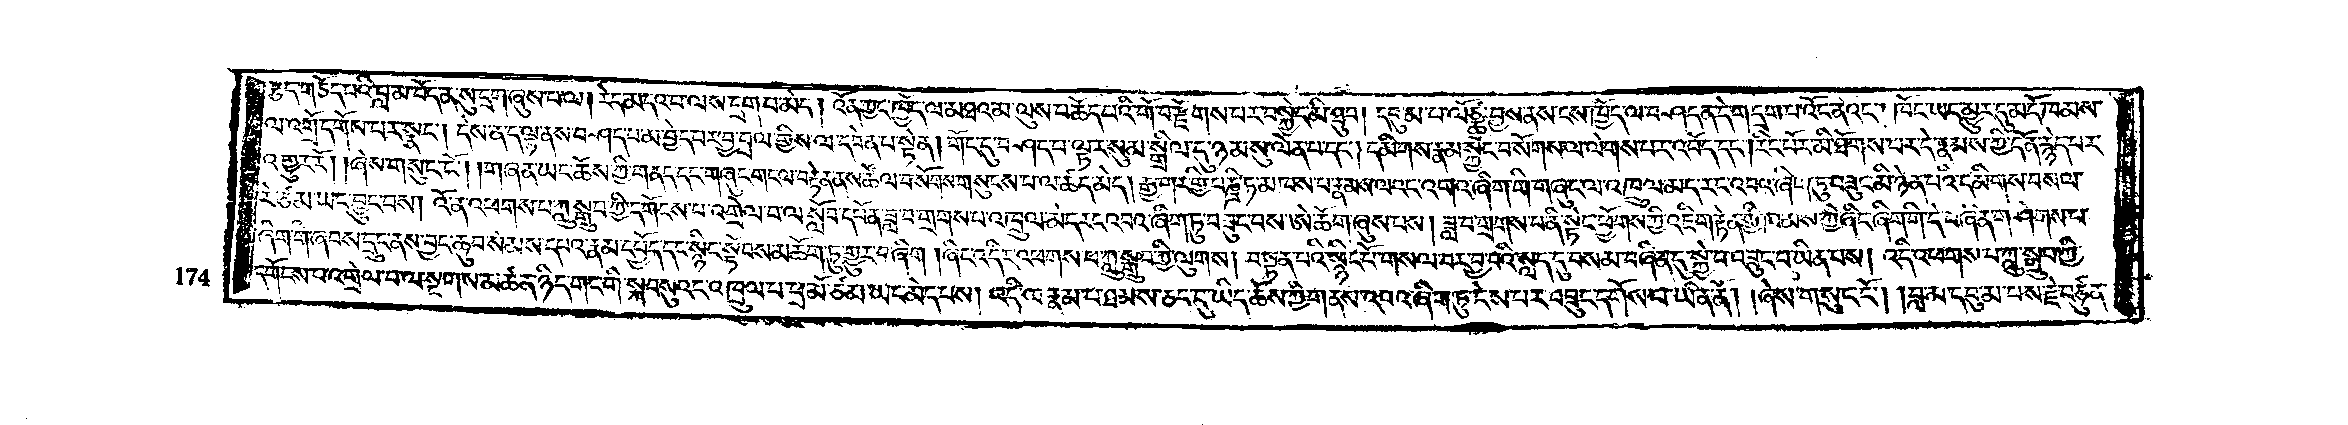རྩད་གཅོད་པའི་བླ་མ་བོད་ན་སུ་དྲག་ཞུས་པ་ལ། རེད་མདའ་བ་ལས་དྲག་པ་མེད། འོན་ཀྱང་ཁྱོད་ལ་མཐའ་མ་ལུས་བྖོད་པའི་གོ་བ་རྫོགས་པར་བསྐྱེད་མི་ཐུབ། དབུ་མ་པ་ལོ་ཙྪ་བྱས་ནས་ངས་ཁྱོད་ལ་བཤད་ན་དེ་ག་དྲག་པ་འོང་ནའང་། ཁོང་ཡང་མྱུར་དུ་མདོ་ཁམས་
ལ་འགྲོ་དགོས་པར་སྣང་། དེས་ན་ད་ལྟ་ནས་བཤད་པ་མ་བྱེད་པར་བྱ་བྲལ་གྱིས་ལ་དབེན་པ་སྟེན། གོང་དུ་བཤད་པ་ལྟར་སུམ་སྒྲིལ་དུ་ཉམས་སུ་ལེན་པ་དང་། དམིགས་རྣམ་སྐྱོང་བ་སོགས་ལ་ལེགས་པར་འབོད་དང་། རིང་པོར་མི་ཐོགས་པར་དེ་རྣམས་ཀྱི་དོན་རྙེད་པར་
འགྱུར་རོ། །ཞེས་གསུང་ངོ། །གཞན་ཡང་ཆོས་ཀྱི་གནད་དང་གཞུང་གང་ལ་བརྟེན་ནས་ཚོལ་བ་སོགས་གསུངས་པ་ལ་ཚད་མེད། རྒྱ་གར་གྱི་པཎྜི་ཏ་མཁས་པ་རྣམས་ལའང་འགའ་ཞིག་གི་ལ་གཞུང་ལ་འཁྲུལ་མེད་རང་འབའ་ཞིག་ཏུ་བཟུང་མི་ཉེན་པའི་དམིགས་བསལ་
རེ་ཙམ་ཡང་བྱུང་བས། འོ་ན་འཕགས་པ་ཀླུ་སྒྲུབ་ཀྱི་དགོངས་པ་འགྲེལ་བ་ལ་སློབ་དཔོན་ཟླ་བ་གྲགས་པ་འཁྲུལ་མེད་རང་འབའ་ཞིག་ཏུ་བཟུང་བས་ཨེ་ཆོག་ཞུས་པས། ཟླ་བ་གྲགས་པ་ནི་སྟེང་ཕྱོགས་ཀྱི་འཇིག་རྟེན་གྱི་ཁམས་ཀྱི་ཞིང་ཞིག་གི་དེ་བཞིན་གཤེགས་པ་
ཞིག་གི་ཞབས་དྲུང་ནས་བྱང་ཆུབ་སེམས་དཔའ་རྣམ་དཔྱོད་དང་སྙིང་སྟོབས་མཆོག་ཏུ་གྱུར་བ་ཞིག །ཞིང་འདིར་འཕགས་པ་ཀླུ་སྒྲུབ་ཀྱི་ལུགས། བསྟན་པའི་སྙིང་པོ་གསལ་བར་བྱ་བའི་སླད་དུ་བསམ་བཞིན་དུ་སྐྱེ་བ་བཟུང་བུ་ཡིན་པས། འདི་འཕགས་པ་ཀླུ་སྒྲུབ་ཀྱི་
དགོངས་པ་འགྲེལ་བ་ལ་སྔགས་མཚན་ཉིད་གང་གི་སྐབས་སུའང་འཁྲུལ་པ་ཕྲ་མོ་ཙམ་ཡང་མེད་པས། འདི་ལ་རྣམ་པ་ཐམས་ཅད་དུ་ཡིད་ཆོས་ཀྱི་གནས་འབའ་ཞིག་ཏུ་ངེས་པར་བཟུང་དགོས་པ་ཡིན་ནོ། །ཞེས་གསུང་ངོ། །བླ་མ་དབུ་མ་པས་རྗེ་བཙུན་